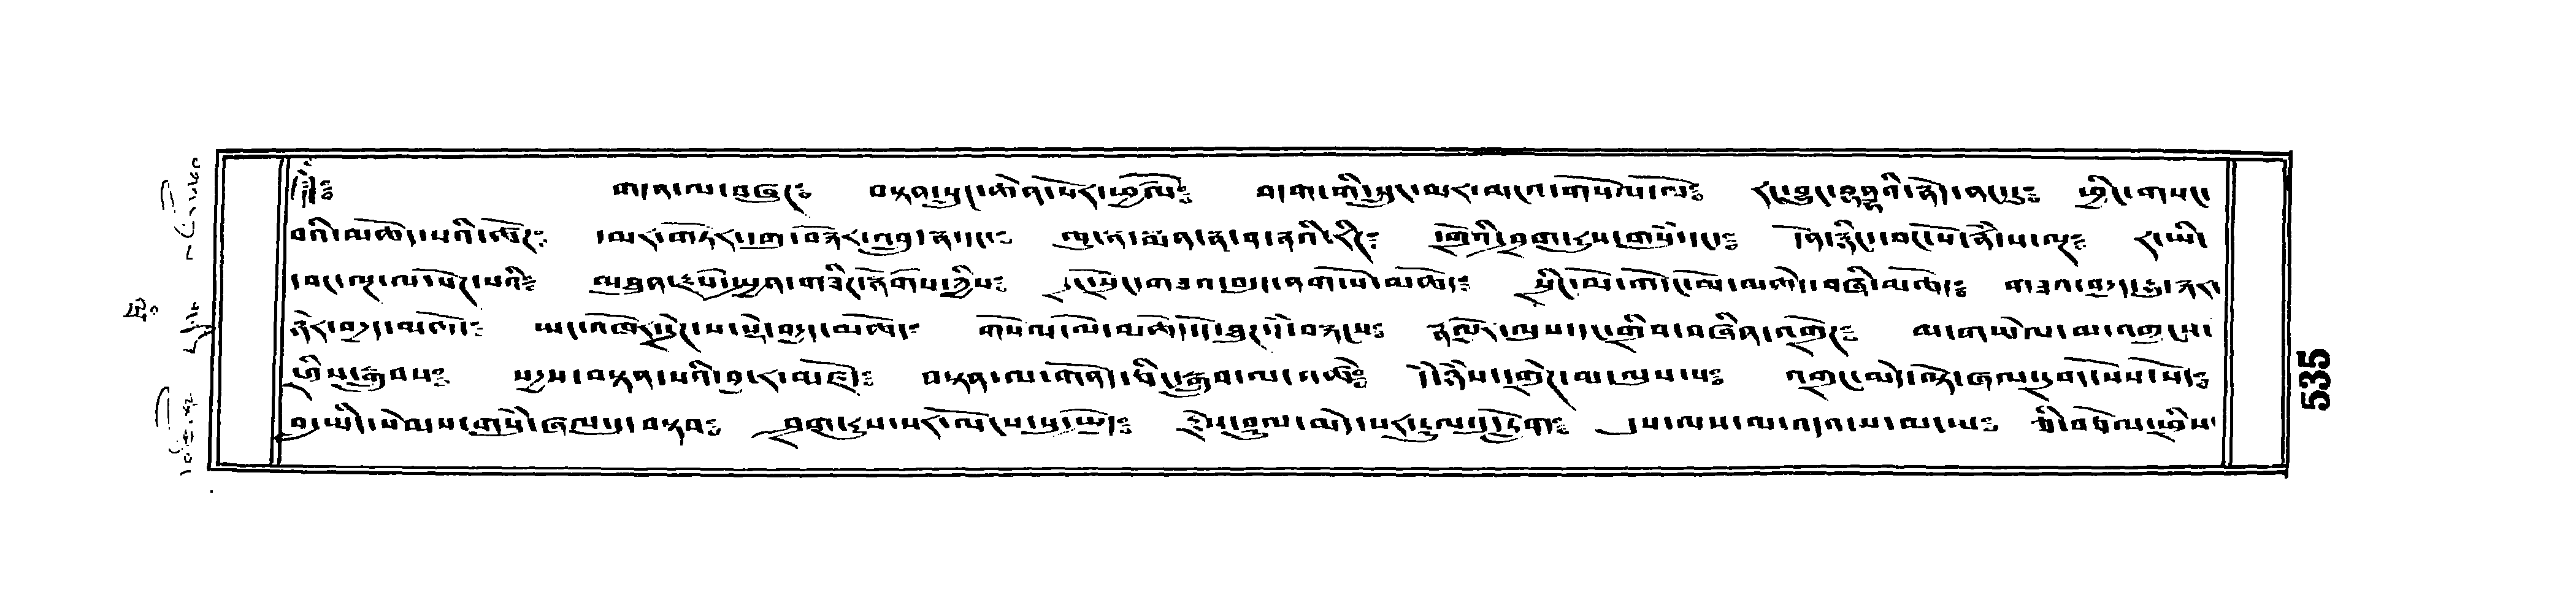གདན་ལ་བཞུགས༔ བསྟན་སྲུང་ཆེན་པོར་ཕྱག་འཚལ་ལོ༔ བདག་གི་སྲུང་མར་མངའ་གསོལ་ལོ༔ རང་བྱུང་བྷནྡྷའི་སྣོད་ནང་དུ༔ ཕྱི་ནང་གསང་
བའི་མཆོད་པའི་ཚོགས༔ དམར་གཏོར་དགུ་བསྐོར་འབྲུ་སྣ་དང༔ ཆུ་སྣ་སྨན་སྣ་ཤ་སྣའི་རིགས༔ དགྲ་བོའི་ཤ་ཁྲག་རུས་གསུམ་དང༔ དོན་སྙིང་དབང་པོ་རྣམ་པ་ལྔ༔ རི་ཡི་
དབང་ལྔ་ལ་སོགས་པའི༔ མཐུན་རྫས་སྤྱན་གཟིགས་སྣ་ཚོགས་ཀྱིས༔ དྲང་སྲོང་གཟའ་བདུད་ནག་པོ་མཆོད༔ སྲིང་མོ་གདོང་མོ་མཆེད་བཞི་མཆོད༔ གཟའ་བརྒྱད་རྒྱུ་སྐར་
ཉེར་བརྒྱད་མཆོད༔ ཡང་འཁོར་དྲེགས་པ་སྡེ་བརྒྱད་མཆོད༔ གསོལ་ལོ་མཆོད་དོ་ཐུགས་དམ་བསྐངས༔ རྣལ་འབྱོར་ལུས་དང་གྲིབ་བཞིན་འགྲོགས༔ མ་གཡེལ་མ་འགྱངས་
ཕྲིན་ལས་སྒྲུབས༔སངས་རྒྱས་བསྟན་པའི་བྱ་ར་མཛོད༔ བསྟན་ལ་གནོད་ཅིང་སྒྲུབ་ལ་འཚེ༔ དམ་ཉམས་དགྲ་བགེགས་མ་ལུས་པ༔ འགྲང་མེད་ལྟོ་ཞལ་དྲག་པོས་སོད༔ 
བླ་ཡིད་སེམས་གསུམ་ཞལ་དུ་བསྟབ༔ ཤ་ཁྲག་རུས་པར་ལོངས་སུ་སྤྱོད༔ རྗེས་ཤུལ་མེད་པར་རྡུལ་དུ་རློག དུས་ལས་མ་འདའ་ས་མ་ཡ༔ ཅི་བཅོལ་ཕྲིན་ལས་